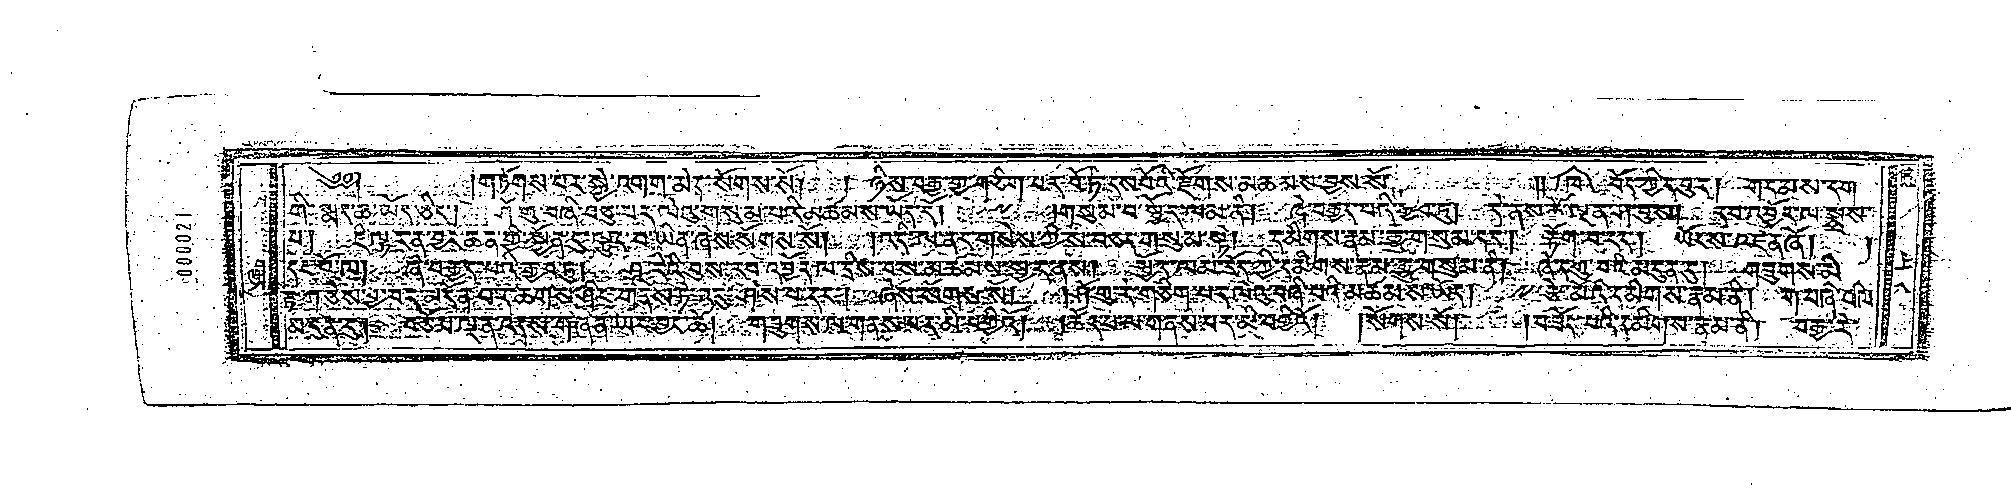༄༅། །གཏོགས་པར་སྐྱེ་འགག་མེད་སོགས་སོ། །ཉིས་བརྒྱ་གྱ་གཅིག་པར་བོ་ཏི་ངས་པོའི་རྫོགས་མཚམས་བྱས་སོ།། །།ཁ྄་བོད་ཀྱི་དབུར། གདམས་ངག་
གི་སྨད་ཆ་ཡོད་ཅིང་། ཤོ་གུ་བཞི་བཅུ་པར་ལེའུ་གསུམ་པའི་མཚམས་ཡོད་དོ། ༧་།གསུམ་བ་སྦྱོར་ལམ་ནི། ཞེ་བརྒྱད་པའི་རྒྱབ་ཏུ། དེ་ནས་ཚེ་ལྡན་ཤ་བུས། རབ་འབྱོར་ལ་སྨྲས་
པ། ཇི་ལྟར་ན་བྱང་ཆན་གྱི་སྐྱོན་དུ་ལྟུང་བ་ཡིན་ཞེས་སོགས་སོ། །འདི་ལ་ནང་གསེས་ཀྱི་ས་བཅད་གསུམ་སྟེ། དམིགས་རྣམ་རྒྱུ་གསུམ་དང་། རྟོག་པ་དང་། ཡོངས་འཇན་ཞོ། །
དང་པོ་ལ། ཞེ་བརྒྱད་པའི་རྒྱབ་ཏུ། ཤཱ་རིའི་བུས་རབ་འབྱོར་ལ་དྲིས་པས་མཚམས་སྦྱར་ནས། སྦྱོད་ལམ་དྲོད་ཀྱི་དམིགས་རྣམ་རྒྱུ་གསུམ་ནི། ཞེ་དགུ་བའི་མདུན་དུ། གཟུགས་མི་
རྟག་ཅེས་བྱ་བར་མངོན་པར་ཆགས་ཤིང་གནས་ཏེ་འདུ་ཤེས་པ་དང་། ཞེས་སོགས་སོ། །ཤོ་གུ་རེ་གཅིག་པར་ལེའུ་བཞི་པའི་མཚམས་ཡོད། ༧་རྩེ་མོའི་དམིགས་རྣམ་ནི། ག་བཞི་བའི་
མདུན་དུ། བཅོམ་ལྡན་འདས་གཞན་ཡང་བྱང་ཚེ། གཟུགས་ལ་གནས་པར་མི་བགྱིའོ། །ཚོར་པ་ལ་གནས་པར་མི་བགྱིའོ། །སོགས་སོ། །བཟོད་པའི་དམིགས་རྣམ་ནི། བརྒྱ་རེ་